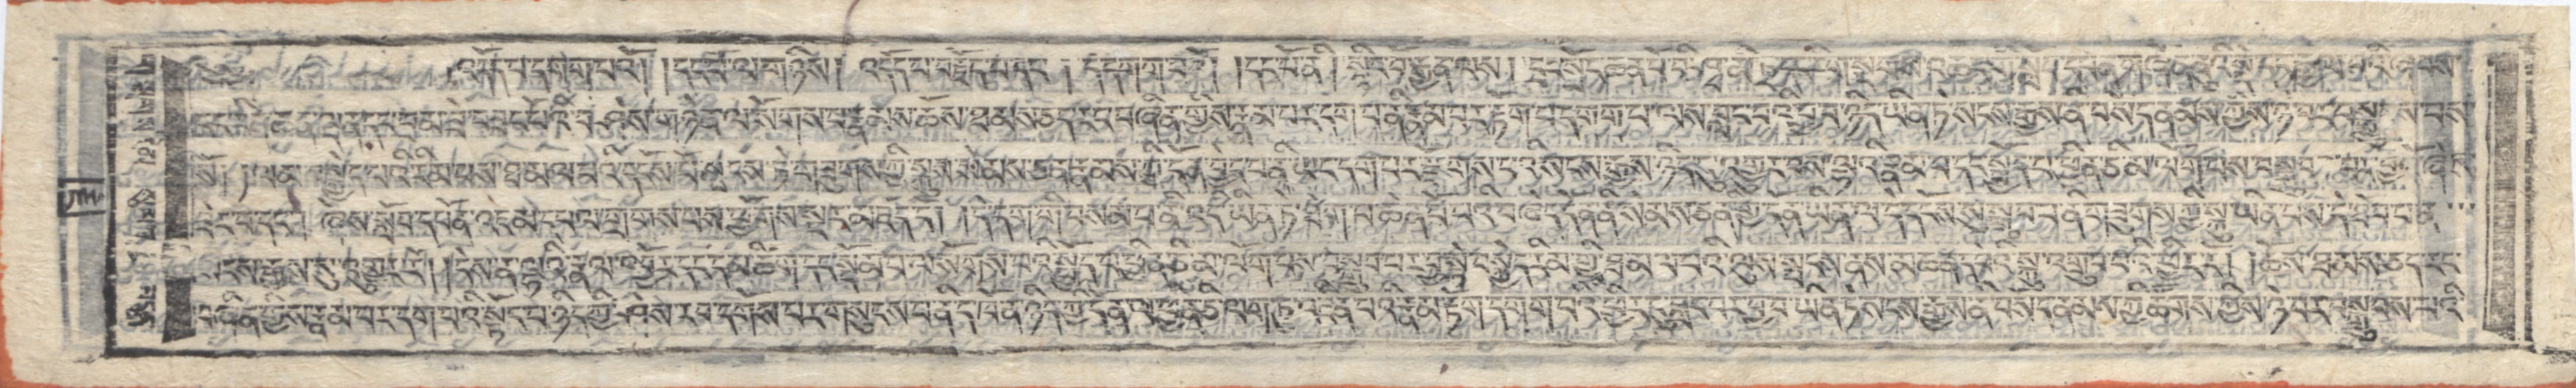༄༅། །འདོད་པ་དགག་པའོ། །དང་པོ་ལ་གཉིས། འདོད་པ་བརྗོད་པ་དང་། དེ་དགག་པའོ། །དང་པོ་ནི། སྙིང་པོ་རྒྱན་ལས། དྲང་སྲོང་ཆན་པོ་བི་ཤྭ་མི་ཏྲ་དང་རིག་སྔགས་འཆང་གི་སློབ་དཔོན་གཞོན་ནུའི་སྡེ་དང་རྒྱལ་བའི་ཞབས་
དང་རིན་ཆེན་ལྡན་དང་བྲམ་ཟེ་བཟང་པོའི་བཤེས་གཉེན་ལ་སོགས་པ་རྣམས་ཆོས་ཐམས་ཅད་རང་བཞིན་གྱིས་རྣམ་པར་དག་པ་ནི་རྣམ་པར་རྟོག་པ་དགག་པ་ལས་བླང་བའི་བྱ་བ་ཉིད་ཡིན་ཏེ་སངས་རྒྱས་ནི་བསོད་ནམས་ཀྱིས་ཉེ་བར་བསྒྲུབས་པས་
སོ༑ ༑ལམ་བསྐྱེད་པའི་རིམ་པས་ཐ་མལ་པའི་དངོས་པོ་སྤངས་ཏེ་གཟུགས་ཀྱི་སྐུས་སེམས་ཅན་རྣམས་ཀྱི་དོན་བྱེད་པ་ནི་ཡང་དག་པར་རྫོགས་པའི་སངས་རྒྱས་ཉིད་དུ་འགྱུར་བས་ལྷའི་རྣམ་པ་དང་སྤྱོད་པ་ཕྱིན་ཅི་མ་ལོག་པས་བསྒྲུབ་པར་བྱའོ་ཞེས་
ཟེར་བ་དང་། ཞེས་སློབ་དཔོན་འཇམ་དཔལ་གྲགས་པས་ཕྱོགས་སྔར་མཛད་དོ། །དེ་དག་གི་བསམ་པ་ནི་འདི་ཡིན་ཏེ་ཐེག་པ་ཆེན་པོ་པའི་བཞེད་དོན་ནི་སེམས་ཅན་གྱི་དོན་ཡིན་ལ་དེ་དངོས་སུ་སྒྲུབ་པ་ནི་གཟུགས་ཀྱི་སྐུ་ཡིན་པས་དེ་ཐོབ་པ་ན་སངས་རྒྱས་སུ་འགྱུར་རོ། །དེས་ན་ལྷའི་རྣལ་འབྱོར་དང་དམ་ཚིག་དང་སྡོམ་པ་ལ་སོགས་བའི་སྤྱོད་པ་ཕྱིན་ཅི་མ་ལོག་པས་བསྒྲུབ་པར་བྱ་སྟེ་བསྐྱེད་རིམ་གྱིས་ཐ་མལ་པའི་ལུས་སྤངས་ནས་མཚན་དཔེའི་སྐུ་འགྲུབ་པའི་ཕྱིར་རོ། །ཆོས་ཐམས་ཅད་རང་
བཞིན་གྱིས་རྣམ་པར་དག་པའི་སྟོང་པ་ཉིད་ཀྱི་ཤེས་རབ་དགོས་པར་གསུངས་པ་ནི་དེ་ཁོ་ན་ཉིད་ཀྱི་དོན་ལ་ཕྱིན་ཅི་ལག་ཏུ་འཛིན་པའི་རྣམ་རྟོག་དགག་པའི་ཕྱིར་དུ་བླང་བར་བྱ་བ་ཡིན་ཏེ་སངས་རྒྱས་ནི་བསོད་ནམས་ཀྱི་ཚོགས་ཀྱིས་ཉེ་བར་བསྒྲུབས་པའི་